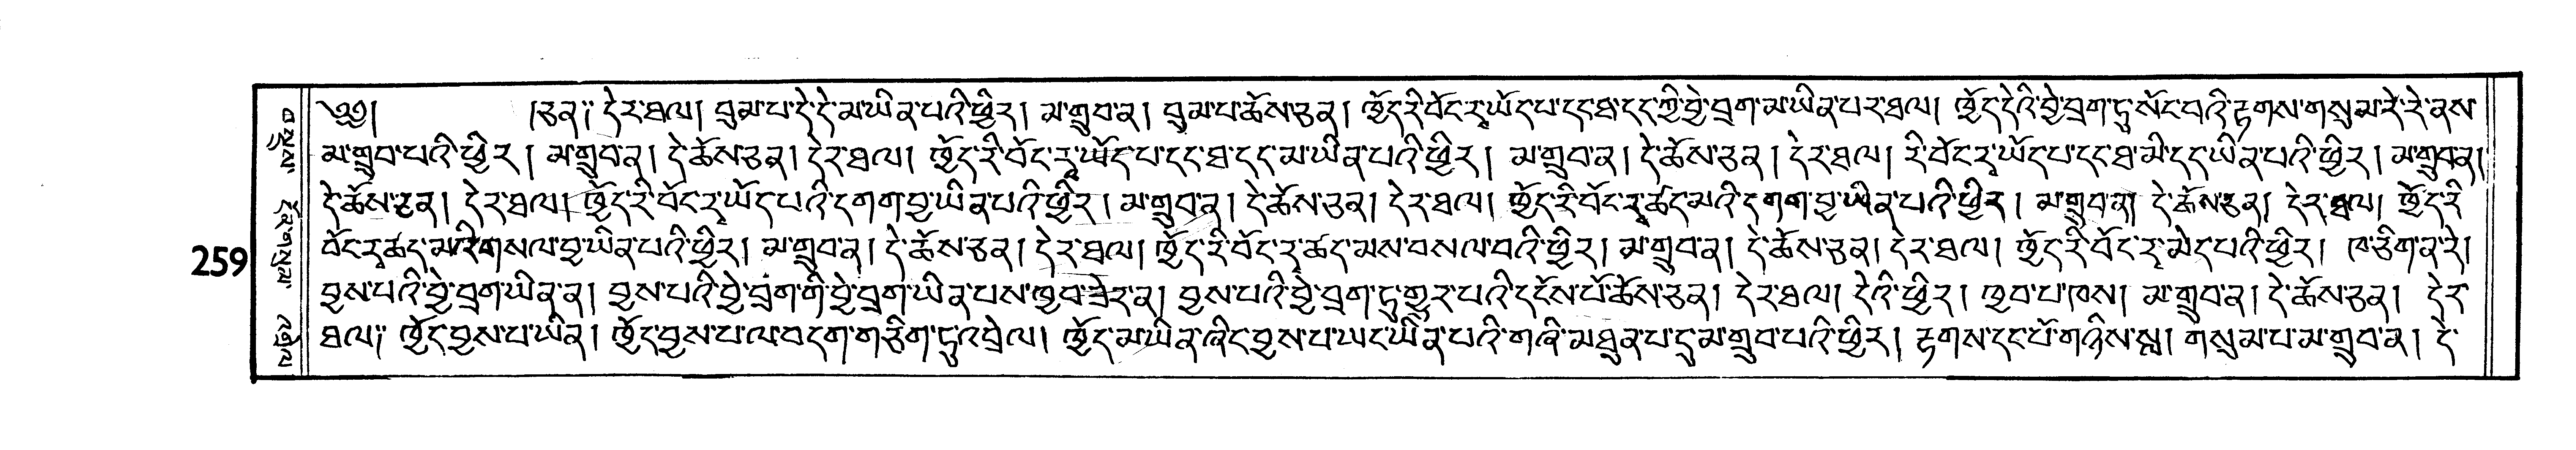༄༅། །ཅན༑ དེར་ཐལ། བུམ་པ་དེ་དེ་མ་ཡིན་པའི་ཕྱིར། མ་གྲུབ་ན། བུམ་པ་ཆོས་ཅན། ཁྱོད་རི་བོང་རྭ་ཡོད་པ་དང་ཐ་དད་ཀྱི་བྱེ་བྲག་མ་ཡིན་པར་ཐལ། ཁྱོད་དེའི་བྱེ་བྲག་ཏུ་སོང་བའི་རྟགས་གསུམ་རེ་རེ་ནས་
མ་གྲུབ་པའི་ཕྱིར། མ་གྲུབ་ན། དེ་ཆོས་ཅན། དེར་ཐལ། ཁྱོད་རི་བོང་རྭ་ཡོད་པ་དང་ཐ་དད་མ་ཡིན་པའི་ཕྱིར། མ་གྲུབ་ན། དེ་ཆོས་ཅན། དེར་ཐལ། རི་བོང་རྭ་ཡོད་པ་དང་ཐ་མི་དད་ཡིན་པའི་ཕྱིར། མ་གྲུབ་ན།
དེ་ཆོས་ཅན། དེར་ཐལ། ཁྱོད་རི་བོང་རྭ་ཡོད་པའི་དགག་བྱ་ཡིན་པའི་ཕྱིར། མ་གྲུབ་ན། དེ་ཆོས་ཅན། དེར་ཐལ། ཁྱོད་རི་བོང་རྭ་ཚད་མའི་དགག་བྱ་ཡིན་པའི་ཕྱིར། མ་གྲུབ་ན། དེ་ཆོས་ཅན། དེར་ཐལ། ཁྱོད་རི་
བོང་རྭ་ཚད་མའི་གསལ་བྱ་ཡིན་པའི་ཕྱིར། མ་གྲུབ་ན། དེ་ཆོས་ཅན། དེར་ཐལ། ཁྱོད་རི་བོང་རྭ་ཚད་མས་བསལ་བའི་ཕྱིར། མ་གྲུབ་ན། དེ་ཆོས་ཅན། དེར་ཐལ། ཁྱོད་རི་བོང་རྭ་མེད་པའི་ཕྱིར། ཁ་ཅིག་ན་རེ།
བྱས་པའི་བྱེ་བྲག་ཡིན་ན། བྱས་པའི་བྱེ་བྲག་གི་བྱེ་བྲག་ཡིན་པས་ཁྱབ་ཟེར་ན། བྱས་པའི་བྱེ་བྲག་ཏུ་གྱུར་པའི་དངོས་པོ་ཆོས་ཅན། དེར་ཐལ། དེའི་ཕྱིར། ཁྱབ་པ་ཁས། མ་གྲུབ་ན། དེ་ཆོས་ཅན། དེར་
ཐལ༑ ཁྱོད་བྱས་པ་ཡིན། ཁྱོད་བྱས་པ་ལ་བདག་གཅིག་ཏུ་འབྲེལ། ཁྱོད་མ་ཡིན་ཞིང་བྱས་པ་ཡང་ཡིན་པའི་གཞི་མཐུན་པ་དུ་མ་གྲུབ་པའི་ཕྱིར། རྟགས་དང་པོ་གཉིས་སླ། གསུམ་པ་མ་གྲུབ་ན། དེ་